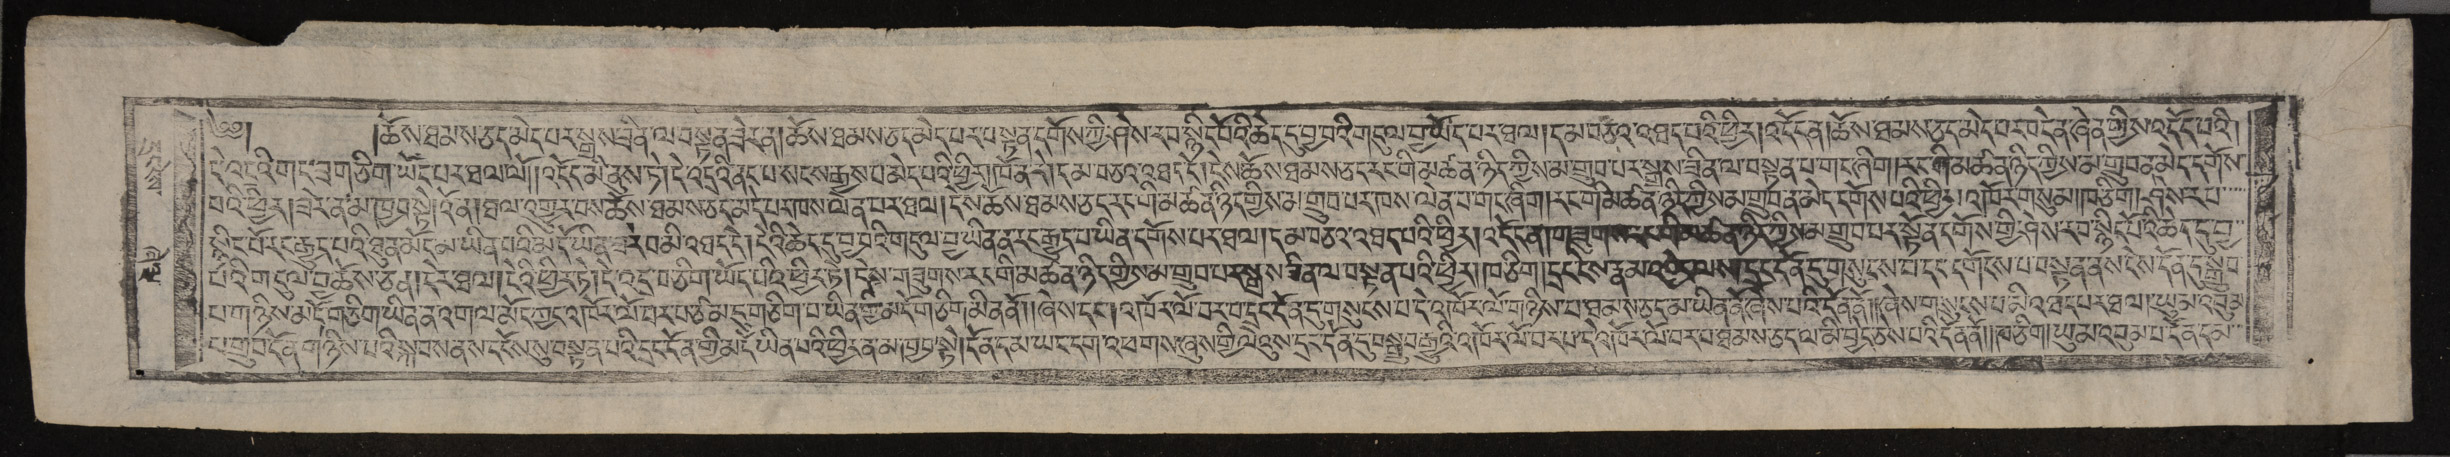༄༅། །ཆོས་ཐམས་ཅད་མེད་པར་སྒྲས་ཟིན་ལ་བསྟན་ཟེར་ན། ཆོས་ཐམས་ཅད་མེད་པར་བསྟན་དགོས་ཀྱི་ཤེས་རབ་སྙིང་པོའི་ཆེད་དུ་བྱ་བའི་གདུལ་བྱ་ཡོད་པར་ཐལ། དམ་བཅའ་འཐད་པའི་ཕྱིར། འདོད་ན། ཆོས་ཐམས་ཅད་མེད་པར་བདེན་ཞེན་གྱིས་འདོད་པའི་
དེ་འདྲའི་གང་ཟག་ཅིག་ཡོད་པར་ཐལ་ལོ། །འདོད་མི་ནུས་ཏེ། དེ་འདྲའི་ནང་པ་སངས་རྒྱས་པ་མེད་པའི་ཕྱིར། ཁོ་ན་རེ། དམ་བཅའ་འཐད་དེ། དེས་ཆོས་ཐམས་ཅད་རང་གི་མཚན་ཉིད་ཀྱིས་མ་གྲུབ་པར་སྒྲས་ཟིན་ལ་བསྟན་པ་གང་ཞིག། རང་གི་མཚན་ཉིད་ཀྱིས་མ་གྲུབ་ན་མེད་དགོས་
པའི་ཕྱིར། ཟེར་ན་མ་ཁྱབ་སྟེ། འོ་ན། ཐལ་འགྱུར་བས་ཆོས་ཐམས་ཅད་མེད་པར་ཁས་ལེན་པར་ཐལ། དེས་ཆོས་ཐམས་ཅད་རང་གི་མཚན་ཉིད་ཀྱིས་མ་གྲུབ་པར་ཁས་ལེན་པ་གང་ཞིག། རང་གི་མཚན་ཉིད་ཀྱིས་མ་གྲུབ་ན་མེད་དགོས་པའི་ཕྱིར། འཁོར་གསུམ། ཁ་ཅིག །ཤེས་རབ་
སྙིང་པོ་རང་རྒྱུད་པའི་ཐུན་མོང་མ་ཡིན་པའི་མདོ་ཡིན་ཟེར་བ་མི་འཐད་དེ། དེའི་ཆེད་དུ་བྱ་བའི་གདུལ་བྱ་ཡིན་ན་རང་རྒྱུད་པ་ཡིན་དགོས་པར་ཐལ། དམ་བཅའ་འཐད་པའི་ཕྱིར། འདོད་ན། གཟུགས་རང་གི་མཚན་ཉིད་ཀྱིས་མ་གྲུབ་པར་སྟོན་དགོས་ཀྱི་ཤེས་རབ་སྙིང་པོའི་ཆེད་དུ་བྱ་
བའི་གདུལ་བྱ་ཆོས་ཅན། དེར་ཐལ། དེའི་ཕྱིར་ཏེ། དེ་འདྲ་བ་ཅིག་ཡོད་པའི་ཕྱིར་ཏེ། དེས་གཟུགས་རང་གི་མཚན་ཉིད་ཀྱིས་མ་གྲུབ་པར་སྒྲས་ཟིན་ལ་བསྟན་པའི་ཕྱིར། ཁ་ཅིག། དྲང་ངེས་རྣམ་འབྱེད་ལས། དྲང་དོན་དུ་གསུངས་པ་དང་དགོངས་པ་བསྟན་ནས་ངེས་དོན་དུ་སྒྲུབ་
པ་གཉིས་མདོ་གཅིག་ཡིན་ན་འགལ་མོད་ཀྱང་འཁོར་ལོ་བར་པ་ཙམ་དུ་གཅིག་པ་ཡིན་གྱི་མདོ་གཅིག་མིན་ནོ། །ཞེས་དང་། འཁོར་ལོ་བར་པ་དྲང་དོན་དུ་གསུངས་པ་དེ་འཁོར་ལོ་གཉིས་པ་ཐམས་ཅད་མ་ཡིན་ནོ་ཞེས་པའི་དོན་ནོ། །ཞེས་གསུངས་པ་མི་འཐད་པར་ཐལ། ཡུམ་འབུམ་
པ་གྲུབ་དོན་གཉིས་པའི་སྐབས་ནས་དངོས་སུ་བསྟན་པའི་དྲང་དོན་གྱི་མདོ་ཡིན་པའི་ཕྱིར་ན་མ་ཁྱབ་སྟེ། དོན་དམ་ཡང་དག་འཕགས་ཞུས་ཀྱི་ལེའུས་དྲང་དོན་དུ་བསྒྲུབ་རྒྱུའི་འཁོར་ལོ་བར་པ་དེ་འཁོར་ལོ་བར་པ་ཐམས་ཅད་ལ་མི་བྱེད་ཅེས་པའི་དོན་ནོ། །ཁ་ཅིག། ཡུམ་འབུམ་པ་དོན་དམ་